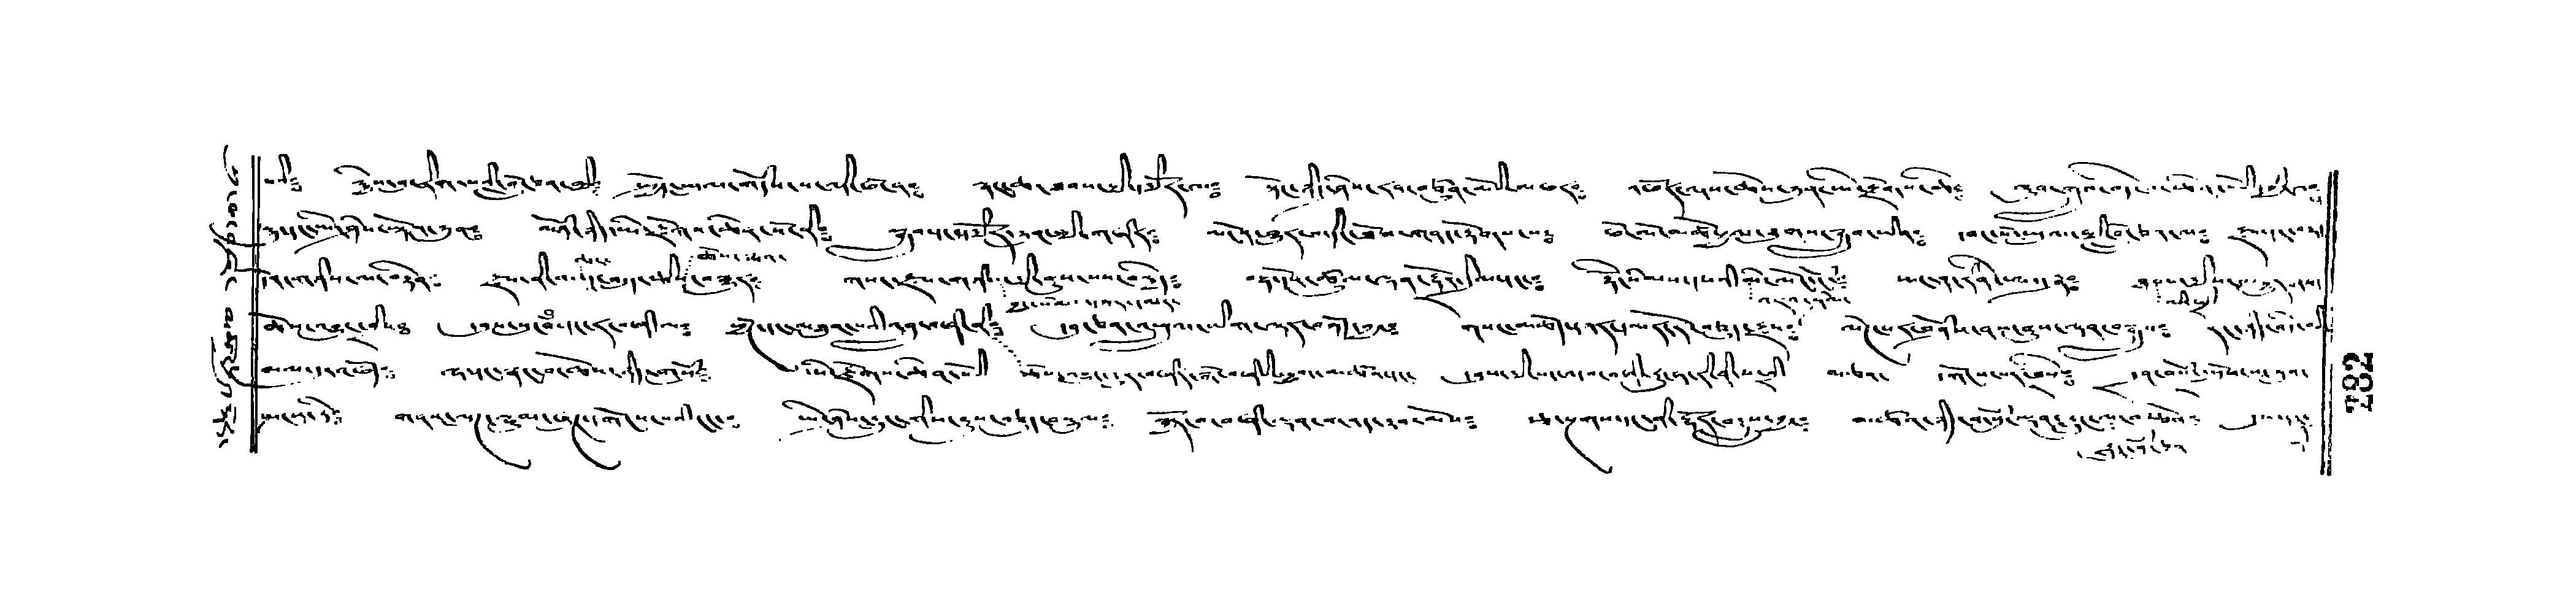པའི༔ སྐྱེས་བུ་རིག་པའི་བློ་ཅན་གྱི༔ སྤྱོད་ཡུལ་གདམས་པ་འདི་ཁོ་ན༔ སྣང་ཆ་ཐབས་ཀྱི་དཀྱིལ་འཁོར་ལ༔ སྟོང་ཉིད་ཤེས་རབ་བཙུན་མོའི་མཁར༔ འཁོར་འདས་ཆོས་ཀུན་ཡེ་རྫོགས་ཆེ༔ ལྷུན་གྲུབ་བདེ་བ་ཆེན་པོའི་དབྱིངས༔ 
སྐུ་དང་ཡེ་ཤེས་ཡོན་ཏན་ཀུན༔ མཉམ་ཉིད་ཡེ་རྫོགས་ཆེན་པོ་ནི༔ སྒྲུབ་དང་དཀྱིལ་འཁོར་ཀུན་གྱི་གཞིར༔ མངོན་གྱུར་གདིངཐོབ་གནད་རྟོགས་པ༔ ཁོ་མོ་མཚོ་རྒྱལ་ཐུགས་སྒྲུབ་ཡིན༔ དབང་པོ་ཡུལ་གྱི་བློ་ཅན་ལ༔ རྫས་དང་བརྡ་
དོན་གཉིས་ལ་བརྟེན༔ རྫས་ནི་མ་དཱ་བདུད་རྩིས་བསྒྱུར༔ གསང་རྫས་གཉིས་ཀྱི་ནུས་པ་བསྐྱེད༔ བརྡ་དོན་ཚུལ་ལྡན་རྡོར་དྲིལ་དང༔ རྡོ་རྗེ་སེམས་དཔའི་མེ་ལོང་ངམ༔ ཡང་ན་རིན་ཆེན་ཨ་རརྴ༔ ཐབས་ཀྱིས་སྒྱུར་ནས་
ཆོས་འབྱུང་བྲིས༔དབུས་སུ་བྃ་དང་ར་བཞི་ལ༔ ཕྱོགས་དང་མཐུན་པའི་འབྲུ་བཞི་ནི༔ དབུ་ཅན་འཕྲུལ་ཡིག་ལྟར་བཀོད་བྱ༔ གསང་མཆོད་དཀར་དམར་རོ་བཅུད་རྫས༔ ལེགས་པར་བཤམས་ནས་ནུས་ལྡན་བསྒྲུབ༔ རང་ཉིད་བདེ་བའི་
མལ་དུ་འཁོད༔ ལྷ་དང་སྣང་བ་ཆོས་ཉིད་གསུམ༔ ཡེ་རྫོགས་ཆེན་པོའི་དགོངས་པར་བསྲེ༔ དྲན་བསམ་སྤྲོས་པ་ཀུན་
སྤངས་ཏེ༔ གནས་ལུགས་ལྷུམ་ཞུགས་དགོངས་པའི་ངང༔ ཡེ་ཤེས་རླུང་གིས་ནུས་བཅུད་བསྐུལ༔ སྦྱོར་བ་བཞི་ལྡན་གནད་ཟབ་ཆོས༔ རྩ་སྔགས་དང་ནི་རྡོར་བཟླས་བྱ༔ མཚན་ཉིད་གསུམ་ལྡན་རླུང་ལ་བརྩོན༔ དུས་དང་